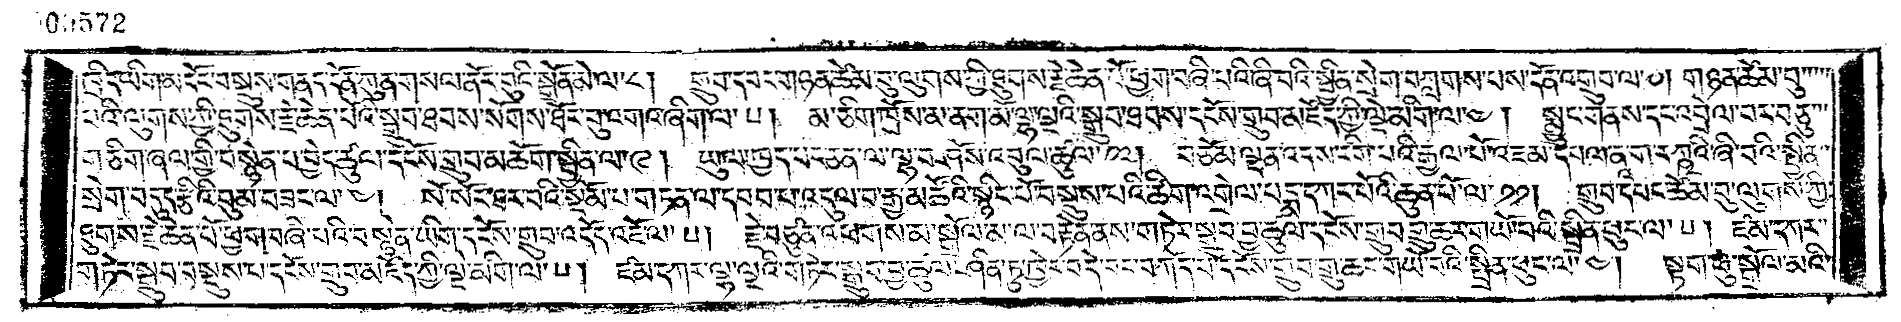ཁྲིད་ཡིག་མདོར་བསྡུས་གནད་དོན་ཀུན་གསལ་ནོར་བུའི་སྒྲོན་མེ་ལ ༨། གྲུབ་དབང་གཉན་ཚེམ་བུ་ལུགས་ཀྱི་ཐུགས་རྗེ་ཆེན་པོ་ཕྱག་བཞི་པའི་ཞི་བའི་སྦྱིན་སྲེག་བཀླགས་པས་དོན་འགྲུབ་ལ ༧། གཉན་ཚེམ་བུ་
པའི་ལུགས་ཀྱི་ཐུགས་རྗེ་ཆེན་པོའི་སྒྲུབ་ཐབས་སོགས་ཐོར་བུ་འགའ་ཞིག་ལ ༥། མ་ཅིག་ཁྲོས་མ་ནག་མོ་ལྷ་ལྔའི་སྒྲུབ་ཐབས་དངོས་གྲུབ་མཛོད་ཀྱི་ལྡེ་མིག་ལ ༤། སྨྱུང་གནས་དང་འབྲེལ་བར་བཅུ་
གཅིག་ཞལ་གྱི་བསྙེན་པ་བྱེད་ཚུལ་དངོས་གྲུབ་མཆོག་སྦྱིན་ལ ༩། ཡུལ་ཁྱད་པར་ཅན་ལ་ལྷ་བཤོས་འབུལ་ཚུལ ༣། བཅོམ་ལྡན་འདས་རིག་པའི་རྒྱལ་པོ་འཇམ་དཔལ་ནཱ་ག་རཀྵའི་ཞི་བའི་སྦྱིན་
སྲེག་བདུད་རྩིའི་བུམ་བཟང་ལ ༤། སོ་སོར་ཐར་བའི་སྡོམ་པ་གཏན་ལ་དབབ་པ་འདུལ་བ་རྒྱ་མཚོའི་སྙིང་པོ་བསྡུས་པའི་ཚིག་འགྲེལ་པདམ་དཀར་པོའི་ཆུན་པོ་ལ ༡༡། གྲུབ་དབང་ཚེམ་བུ་ལུགས་ཀྱི་
ཐུགས་རྗེ་ཆེན་པོ་ཕྱག་བཞི་པའི་བསྙེན་ཡིག་དངོས་གྲུབ་འདོད་འཇོ་ལ ༥། རྗེ་བཙུན་འཕགས་མ་སྒྲོལ་མ་ལ་བརྟེན་ནས་གཏེར་སྒྲུབ་བྱ་ཚུལ་དངོས་གྲུབ་གྲུ་ཆར་གཡོ་བའི་སྤྲིན་ཕུང་ལ ༥། ཛམ་དཀར་
གཏེར་སྒྲུབ་བསྡུས་པ་དངོས་གྲུབ་མཛོད་ཀྱི་ལྔེ་མིག་ལ ༥། ཛམ་དཀར་ལྷ་ལྔའི་གཏེར་སྒྲུབ་བྱ་ཚུལ་ཤིན་ཏུ་ཁྱེར་བདེ་བར་བཀོད་པ་དངོས་གྲུབ་གྲུ་ཆར་གཡོ་བའི་སྤྲིན་ཕུང་ལ། ༤། སྟག་ཕུ་སྒྲོལ་མའི་